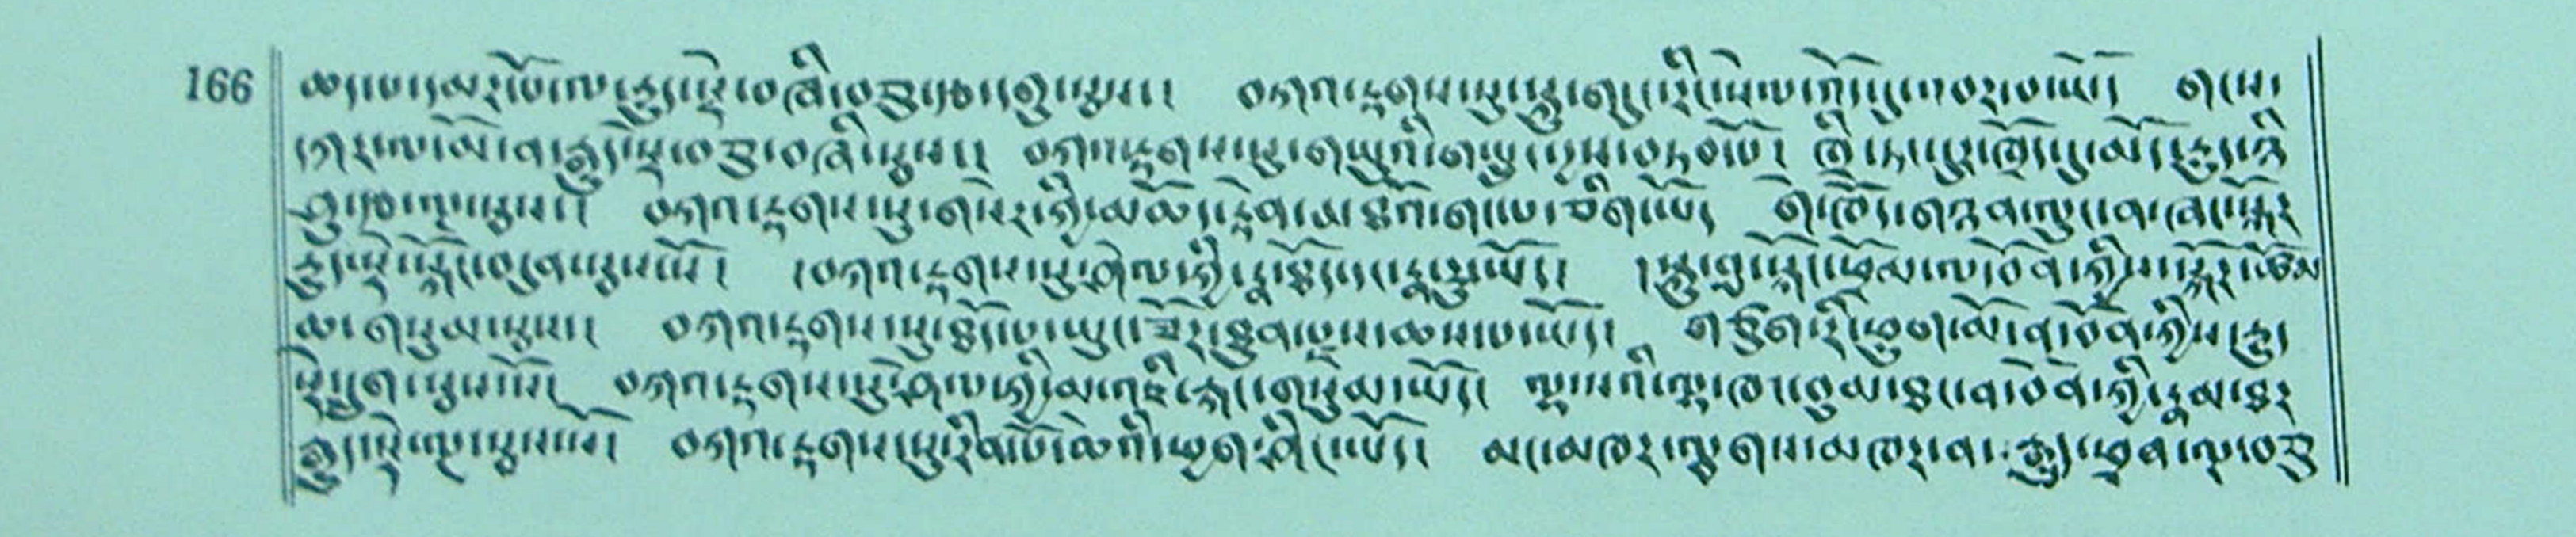ཆད་པ་དམར་བོ་ལ་རྒྱུད་སྡེ་བཞི་བཅུ་རྩ་དགུ་སྦས། བཀའ་རྟགས་སུ་སྐུ་གདུང་རིང་སྲེལ་འོད་དུ་འབར་བ་ཡོད། གངས་
དཀར་ལ་མོ་ན་རྒྱུད་སྡེ་བཅུ་བཞི་སྦས། བཀའ་རྟགས་སུ་གཡུའི་གཡུང་དྲུང་རྒྱས་བཏབ་བོ། །ཁྲི་ཏང་དུར་ཁྲོད་དུ་མདོ་རྒྱུད་ཉི་
ཤུ་རྩ་ལྔ་སྦས། བཀའ་རྟགས་སུ་གསེར་གྱི་མཆོད་རྟེན་མཐོ་གང་བ་ཅིག་ཡོད། གེ་ཁོད་གཉན་ལུང་ན་ཞང་སྐོར་
རྒྱུད་སྡེ་སྐོར་བདུན་སྦས་སོ། །བཀའ་རྟགས་སུ་ཤེལ་རྣ་ཐོད་དང་རྣ་རུ་ཡོད། སྐུ་བླ་སྐོང་ཕྲོམ་ལ་བོན་གྱི་སྐོར་ཚོམ་
ཆ་གསུམ་སྦས། བཀའ་རྟགས་སུ་ཐོད་པ་ཡུང་ཟོར་ཐུན་རྫས་ཆས་པ་ཡོད། གཙུག་རི་ཕྱུག་མོ་ན་བོན་གྱི་རྒྱུད་
སྡེ་དྲུག་སྦས་སོ། །བཀའ་རྟགས་སུ་ཤེལ་གྱི་མ་འཇི་རྐང་གསུམ་ཡོད། ལྷ་སའི་ལྷ་ཁང་བུམ་ཐང་ན་བོན་གྱིས་རྣམ་ཐར་
རྒྱུད་སྡེ་ལྔ་སྦས་སོ། །བཀའ་རྟགས་སུ་རིན་པོ་ཆེའི་ཕྱག་ཤིང་ཡོད། མང་མཁར་ལྕགས་མཁར་ན་རྒྱུད་ཕྲན་ལྔ་བཅུ་